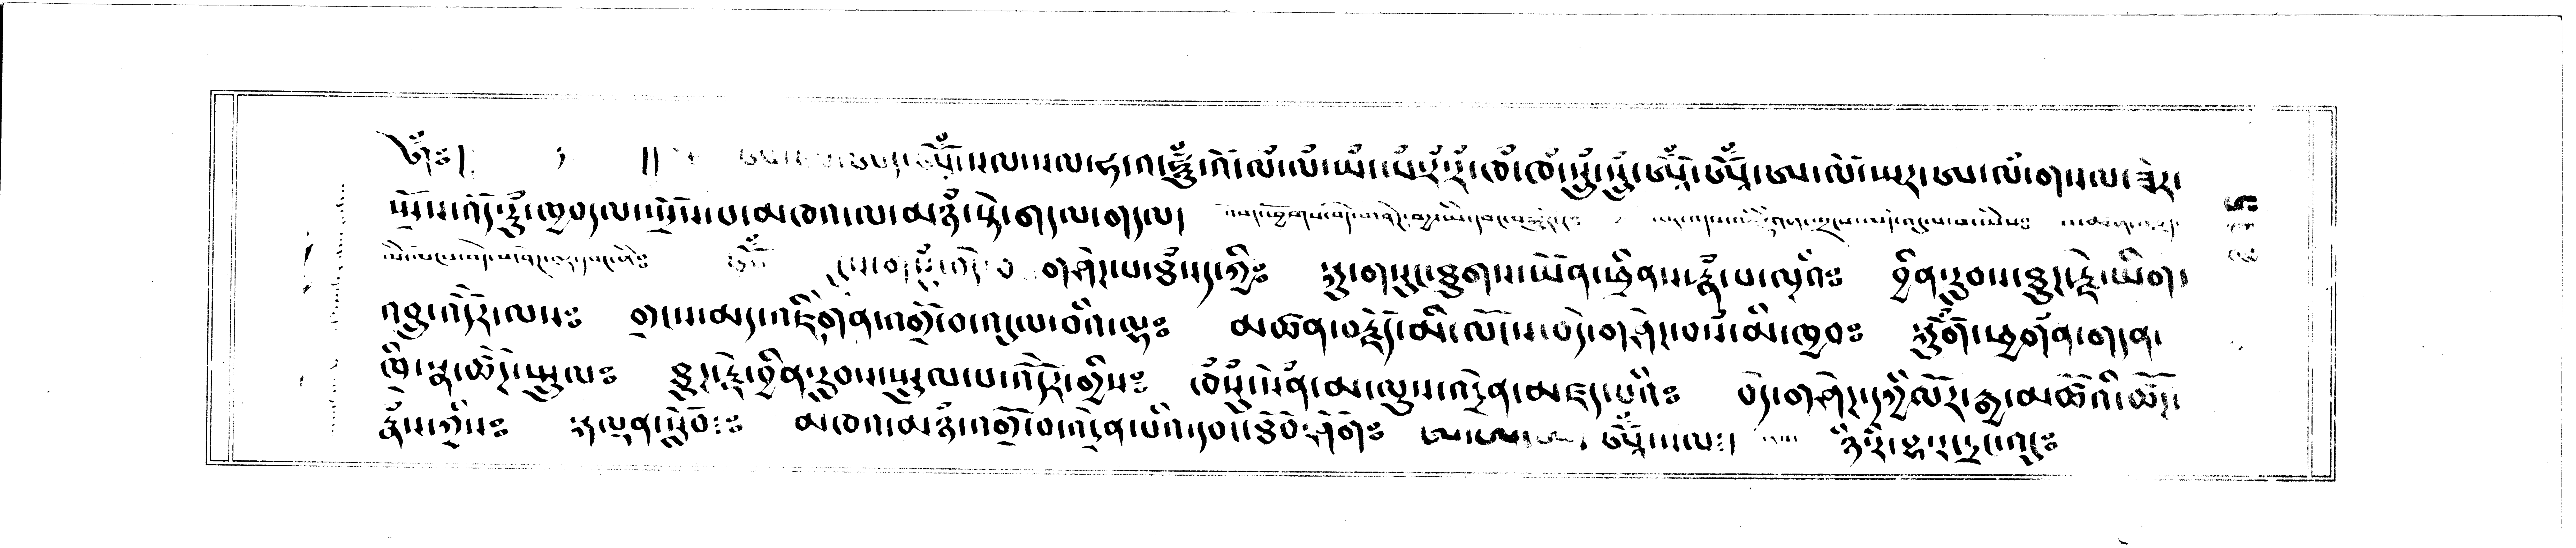ཨ་ཨ་ཨད་ཨཱོྃ་སལ་སལ་ཧ་འ་ཧཱུྃ་འོ་ལྃ་ལྃ་ཡཾ་ཡཾ་རྃ་རྃ་ཁཾ་ཁཾ་སྲུྃ་སྲུྃ་ཨཱོྃ་ཨཱོྃ་ཨ་ལོ་སྤར་ཨ་ལམ་གསལ་ཟེར་
སྤྲོས་འོད་རུམ་ཁྱབ་བདལ་སྤྲོས་པ་མཁའ་ལ་མཉམ་སྟེ་བདལ་བདལཿ འོག་ཕྱོགས་བདེར་གཤེགས་བརྒྱ་ཡི་དབང་བསྐུར་རོཿ ཕར་འདས་འཇིག་རྟེན་གྲངས་མེད་འདུལ་བ་ཡིསཿ མཚན་བརྗོད་
མི་ལངས་བདེར་གཤེགས་ལྷ་དབང་ནིཿ ཨཱོྃཿ དུས་གསུམ་བདེ་བར་གཤེགས་པ་ཐམས་ཅད་ཀྱིཿ སྐུ་གསུང་ཐུགས་ཡོན་ཕྲིན་ལས་རྣམ་པ་ལྔའིཿ བྱིན་རླབས་ཐུགས་རྗེ་ཡིག་
འབྲུ་འོད་ཟེར་ལསཿ གྲངས་མེད་འཇིག་རྟེན་འགྲོ་བ་འདུལ་བའི་ལྷཿ མཚན་བརྗོད་མི་ལངས་བདེར་གཤེགས་བསམ་མི་ཁྱབཿ སྐུ་མདོག་ཕྱག་མཚན་གདན་
ཁྲི་སྣ་ཚོགས་སྤྲུལཿ ཐུགས་རྗེ་བྱིན་རླབས་སྤྲུལ་པ་འོད་ཟེར་གྱིསཿ ཁམས་གསུམ་སེམས་ཅན་མ་ལུས་འདྲེན་མཛད་པའིཿ བདེར་གཤེགས་རྒྱ་མཚོའི་དཀྱིལ་འཁོར་ཚོགས་
རྣམས་ཀྱིསཿ སྐལ་ལྡན་སློབ་མ་རྣམས་ལ་དབང་བསྐུར་བསཿ མཁའ་མཉམ་འགྲོ་བ་འདྲེན་པའི་དབང་ཐོབ་ཤོགཿ ཨ་ཨ་ཨད་ཨཱོྃ་་་་ནསཿ ཉི་རི་བྷ་ར་ཏྲང་འདུཿ